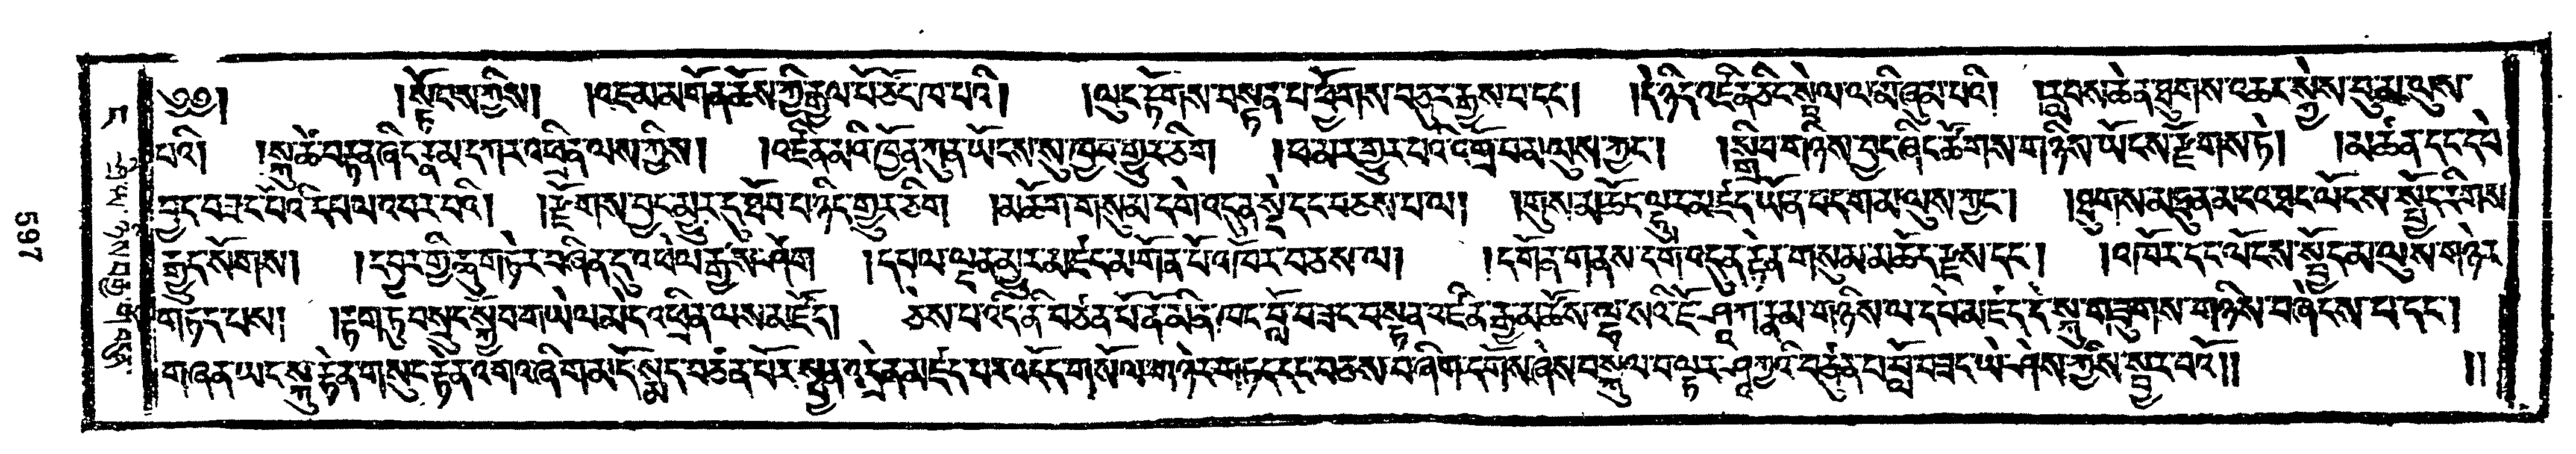༄༅། །སྟོབས་ཀྱིས། །འཇམ་མགོན་ཆོས་ཀྱི་རྒྱལ་པོ་ཙོང་ཁ་པའི། །ལུང་རྟོགས་བསྟན་པ་ཕྱོགས་བཅུར་རྒྱས་པ་དང་། །དེ་ཉིད་འཛིན་ཅིང་སྤེལ་ལ་མི་ཞུམ་པའི། །རླབས་ཆེན་ཐུགས་འཆར་སྐྱེས་བུ་མ་ལུས་
པའི། །སྐུ་ཚེ་བརྟན་ཞིང་རྣམ་དཀར་འཕྲིན་ལས་ཀྱིས། །འཛིན་མའི་ཁྱོན་ཀུན་ཡོངས་སུ་ཁྱབ་གྱུར་ཅིག །ཕ་མར་གྱུར་པའི་འགྲོ་བ་མ་ལུས་ཀྱང་། །སྒྲིབ་གཉིས་བྱང་ཞིང་ཚོགས་གཉིས་ཡོངས་རྫོགས་ཏེ། །མཚན་དང་དཔེ་
བྱང་བཟང་པོའི་དཔལ་འབར་བའི། །རྫོགས་བྱང་མྱུར་དུ་ཐོབ་པ་ཉིད་གྱུར་ཅིག །མཆོག་གསུམ་དགེ་འདུན་སྡེ་དང་བཅས་པ་ལ། །གུས་མཆོད་ལྷུར་མཛད་ཡོན་བདག་མ་ལུས་ཀྱང་། །ཐུགས་མཐུན་མངའ་ཐང་ལོངས་སྤྱོད་རིགས་
རྒྱུད་སོགས། །དབྱར་གྱི་ཆུ་གཏེར་བཞིན་དུ་འཕེལ་རྒྱས་ཤོག །དཔལ་ལྡན་མྱུར་མཛད་མགོན་པོ་འཁོར་བཅས་ལ། །དགོན་གནས་དགེ་འདུན་རྟེན་གསུམ་མཆོད་རྫས་དང་། །འཁོར་དང་ལོངས་སྤྱོད་མ་ལུས་གཉེར་
གཏད་པས། །རྟག་ཏུ་བསྲུང་སྐྱོབ་གཡེལ་མེད་འཕྲིན་ལས་མཛོད། ཅེས་པ་འདི་ནི་བཙན་པོ་ནོ་མིན་ཁང་བློ་བཟང་བསྟན་འཛིན་རྒྱ་མཚོས་ལྷ་སའི་ཇོ་ཤཱཀ་རྣམ་གཉིས་ལ་དཔེ་མཛད་དེ་སྐུ་གཟུགས་གཉིས་བཞེངས་པ་དང་།
གཞན་ཡང་སྐུ་རྟེན་གསུང་རྟེན་འགའ་ཞིག་མདོ་སྨད་བཙན་པོར་སྤྱན་འདྲེན་མཛད་པར་འདོད་གསོལ་གཉེར་གཏད་དང་བཅས་བ་ཞིག་དགོས་ཞེས་བསྐུལ་བ་ལྟར་ཤཱཀྱའི་བཙུན་པ་བློ་བཟང་ཡེ་ཤེས་ཀྱིས་སྦྱར་བའོ།། །།